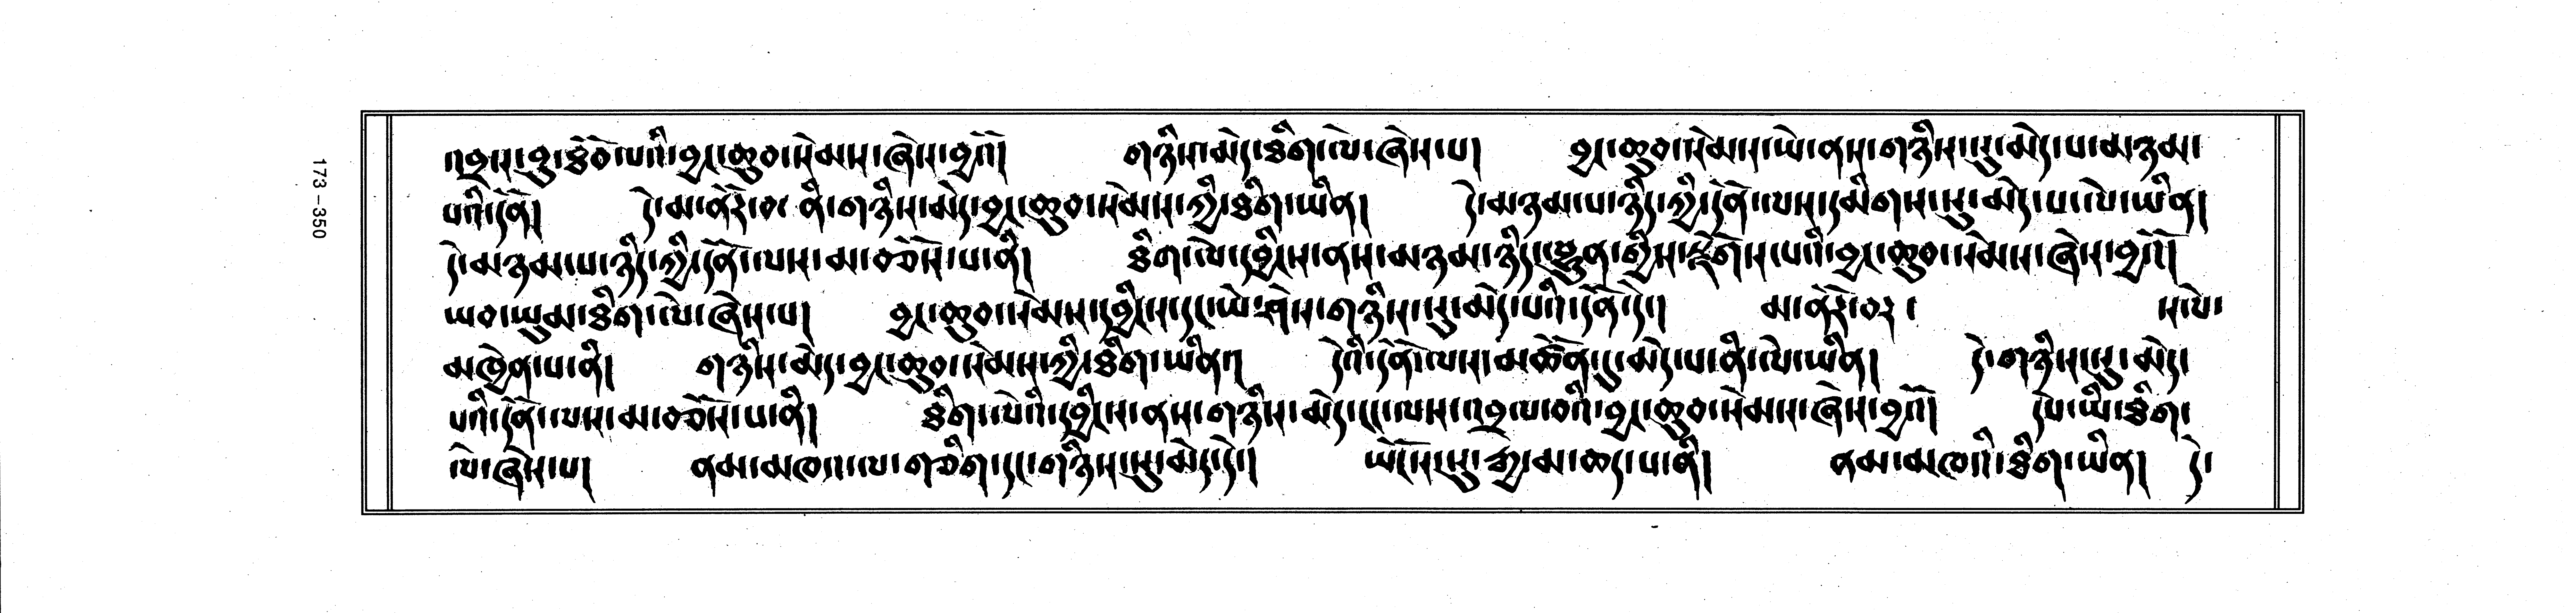འབྲས་བུ་ཐོབ་པའི་བྱང་ཆུབ་སེམས་ཞེས་བྱའོ། །གཉིས་མེད་ཐིག་ལེ་ཞེས་པ། བྱང་ཆུབ་སེམས་ཡེ་ནས་གཉིས་སུ་མེད་པ་མཉམ་
པའི་དོན། དེ་མ་ནོར་བ་ནི་གཉིས་མེད་བྱང་ཆུབ་སེམས་ཀྱི་ཐིག་ཡིན། དེ་མཉམ་པ་ཉིད་ཀྱི་དོན་ལས་དམིགས་སུ་མེད་པ་ལེ་ཡིན། 
དེ་མཉམ་པ་ཉིད་ཀྱི་དོན་ལ་མ་བཅོས་པ་ནི། ཐིག་ལེ་དབྱིངས་ནས་མཉམ་ཉིད་ལྷུན་གྱིས་རྫོགས་པའི་བྱང་ཆུབ་སེམས་ཞེས་བྱའོ། །
ཡབ་ཡུམ་ཐིག་ལ་ཞེས་པ། བྱང་ཆུབ་སེམས་དབྱིངས་དང་ཡེ་ཤེས་གཉིས་སུ་མེད་པའི་དོན་དེ་ མ་ནོར་བར། སེལ་
མཁྱེན་པ་ནི། གཉིས་མེད་བྱང་ཆུབ་སེམས་ཀྱི་ཐིག་ཡིན། དེའི་དོན་ལས་མཚོན་དུ་མེད་པ་ནི་ལེ་ཡིན། དེ་གཉིས་སུ་མེད་
པའི་དོན་ལས་བཅོས་པ་ནི། ཐིག་ལེའི་དབྱིངས་ནས་གཉིས་མེད་ངང་ལས་འབྲལ་བའི་བྱང་ཆུབ་སེམས་ཞེས་བྱའོ། །དཔེ་ཡི་ཐིག་
ལེ་ཞེས་པ། ནམ་མཁའ་ལ་གཅིག་དང་གཉིས་སུ་མེད་དེ། ཡོངས་སུ་རྒྱ་མ་ཆད་པ་ནི། ནམ་མཁའི་ཐིག་ལེ་ཡིན། དེ་